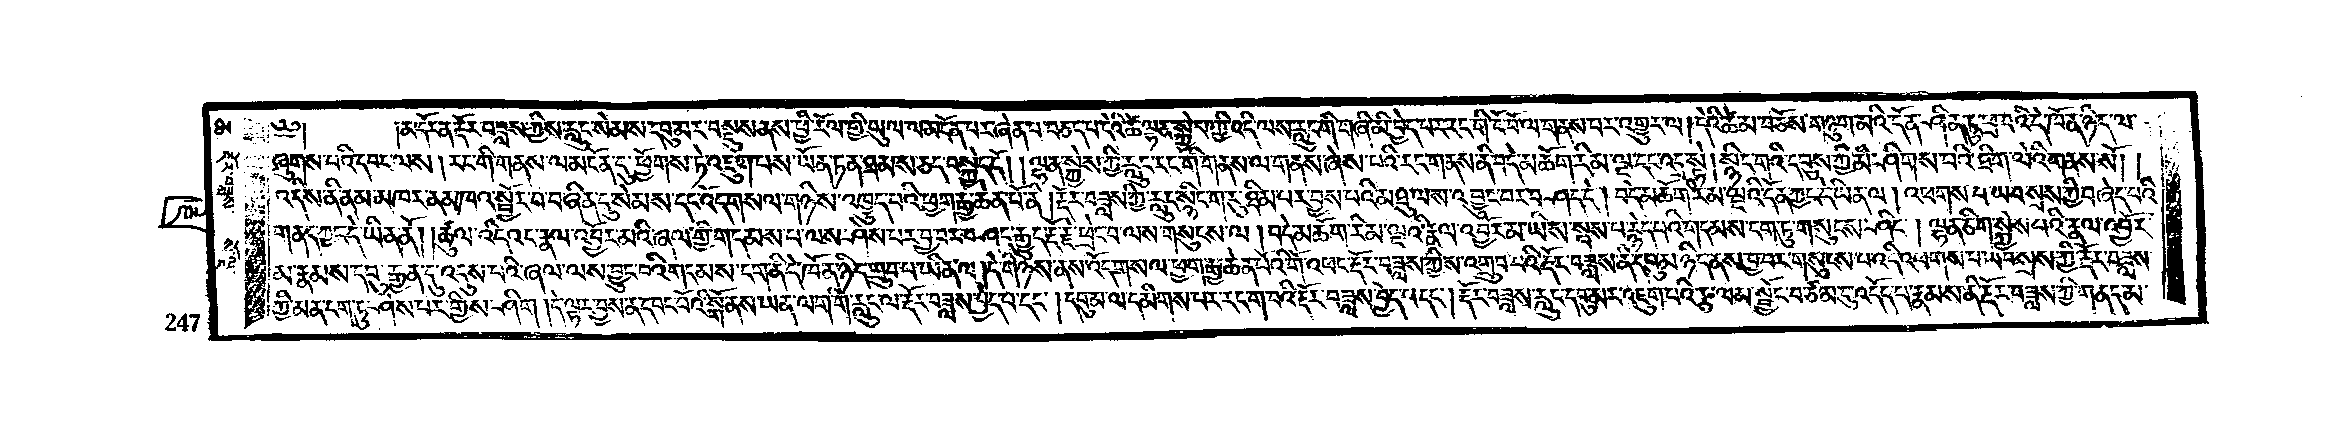༄༅། །མདོར་ན་རྡོར་བཟླས་ཀྱིས་རླུང་སེམས་དབུ་མར་བསྡུས་ནས་ཕྱི་རོལ་གྱི་ཡུལ་ལ་མངོན་པར་ཞེན་པ་བཅད་པ་དེའི་ཚེ་ལྷན་སྐྱེས་ཀྱི་འདི་ལས་རླུང་གི་གཞི་མི་བྱེད་པར་རང་གི་ངོ་བོ་ལ་གནས་པར་འགྱུར་ལ། དེའི་ཚེ་མ་བཅོས་གཉུག་མའི་དོན་ཤིན་ཏུ་ཕྲ་བའི་དེ་ཁོ་ན་ཉིད་ལ་
ཞུགས་པའི་དབང་ལས། རང་གི་གནས་ལ་མངོན་དུ་ཕྱོགས་ཏེ་འཇུག་པས་ཡོན་ཏན་ཐམས་ཅད་བསྐྱེད་དོ། །ལྷན་སྐྱེས་ཀྱི་རླུང་རང་གི་གནས་ལ་གནས་ཞེས་པའི་རང་གནས་ནི་བདེ་མཆོག་རིམ་ལྔ་དང་འདྲ་སྟེ། སྙིང་གའི་དབུས་ཀྱི་མི་ཤིགས་པའི་ཐིག་ལེའི་གནས་སོ།།
འདིས་ནི་ནམ་མཁར་ནམ་མཁར་སྦྱོར་བ་བཞིན་དུ་སེམས་དང་འོད་གསལ་གཉིས་འཁྱུད་པའི་ཕྱག་རྒྱ་ཆེན་པོ་ནི། རྡོར་བཟླས་ཀྱི་རླུང་སྙིང་ག་རུ་ཐིམ་པར་བྱས་པའི་མཐུ་ལས་འབྱུང་བར་བཤད་དེ། བདེ་མཆོག་རིམ་ལྔའི་དོན་ཀྱང་དེ་ཡིན་ལ། འཕགས་པ་ཡབ་སྲས་ཀྱི་བཞེད་པའི་
གནད་ཀྱང་དེ་ཡིན་ནོ། །ཚུལ་འདིའང་རྣལ་འབྱོར་མའི་ཞལ་གྱི་གདམས་པ་ལས་ཤེས་པར་བྱ་བར་བཤད་རྒྱུད་རྡོ་རྗེ་ཕྲེང་བ་ལས་གསུངས་ལ། བདེ་མཆོག་རིམ་ལྔའི་རྣལ་འབྱོར་མ་ཡིས་སྦས་པ་རྙེད་པའི་གདམས་ངག་ཏུ་གསུངས་ཤིང་། ལྷན་ཅིག་སྐྱེས་པའི་རྣལ་འབྱོར་
མ་རྣམས་དབུ་རྒྱན་དུ་འདུས་པའི་ཞལ་ལས་བྱུང་བའི་གདམས་ངག་ནི་དེ་ཁོ་ན་ཉིད་གྲུབ་པ་ཡིན་ལ། དེ་གཉིས་ནས་འོད་གསལ་ཕྱག་རྒྱ་ཆེན་པོའི་གོ་འཕང་རྡོར་བཟླས་ཀྱིས་འགྲུབ་པའི་རྡོར་བཟླས་ནི་དབུ་མ་ཉིད་ནས་བྱ་བར་གསུངས་པ་འདི་འཕགས་པ་ཡབ་སྲས་ཀྱི་རྡོར་བཟླས་
ཀྱི་མན་ངག་ཏུ་ཤེས་པར་གྱིས་ཤིག །དེ་ལྟར་བྱས་ན་དབང་པོའི་སྒོ་ནས་ཡན་ལག་གི་རླུང་ལ་རྡོར་བཟླས་བྱེད་པ་དང་། དབུ་མ་ལ་དམིགས་པར་རང་ག་བའི་རྡོར་བཟླས་བྱེད་པ་དང་། རྡོར་བཟླས་རླུང་དབུ་མར་འཇུག་པའི་རྩ་ལམ་སྦྱོང་བ་ཙམ་དུ་འདོད་པ་རྣམས་ནི་རྡོར་བཟླས་ཀྱི་གནད་མ་